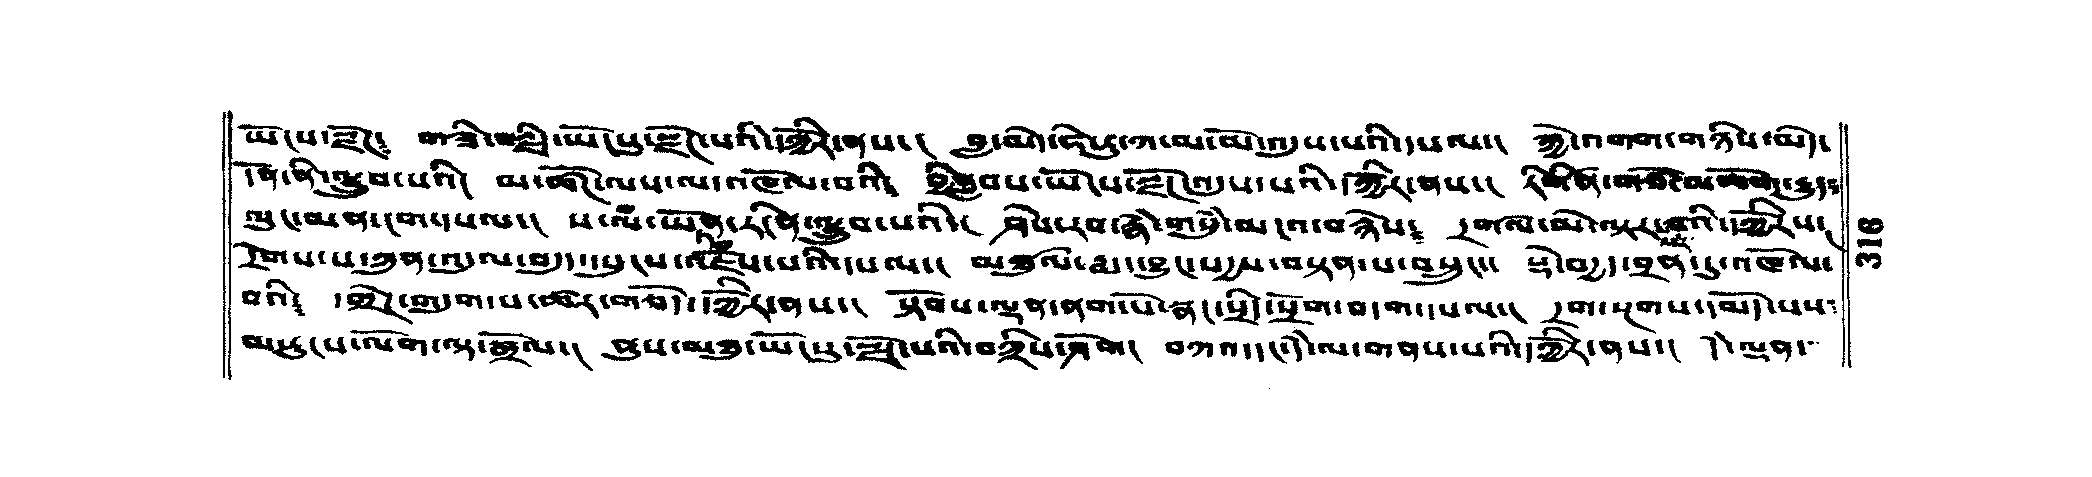ཡོངས་རྫོགས་༴ གཟི་བརྗིད་ཡོངས་སུ་རྫོགས་པའི་དཀྱིལ་འཁོར་ནས། །བླ་མེད་ཧེ་རུ་ཀ་མ་མོ་འདུས་པའི་དཔལ། །སྐྱེ་འགག་གཉིས་མེད་
དོན་ནི་ལྷུན་གྲུབ་པའི། །མ་ཚོགས་ལས་ལ་འཁོལ་བའི་༴ བྱིན་རླབས་ཡོངས་རྫོགས་འདུས་པའི་དཀྱིལ་འཁོར་ནས། །རིག་འཛིན་གཙོ་མཆོག་རྒྱུད་
ལུང་མན་ངག་དཔལ། །ས་ལམ་ཡོན་ཏན་རང་བཞིན་ལྷུན་གྲུབ་པའི། །ཤེས་རབ་རྣམ་གསུམ་མངའ་བརྙེས་༴ དྲག་རྩལ་མེ་ལྟར་འབར་བའི་དཀྱིལ་འཁོར་ནས། །
དྲེགས་པ་ཀུན་འདུལ་བདུད་དཔུང་འཇོམས་པའི་དཔལ། ། མཐུ་རྩལ་རྨད་བྱུང་སངས་རྒྱས་བསྟན་པ་བསྲུང་། །སྡེ་བརྒྱད་བྲན་དུ་འཁོལ་
བའི་༴ དགྲ་བགེགས་གདུག་པ་ཚར་གཅོད་དཀྱིལ་འཁོར་ནས། །སྟོབས་ལྡན་ནག་པོ་སྣང་སྲིད་སྲོག་བདག་དཔལ། །དྲག་སྔགས་དམོད་པས་
མ་རུངས་ལོག་ལྟ་སྒྲོལ། །ནུས་མཐུ་ཡོངས་སུ་རྫོགས་པའི་བཀྲ་ཤིས་ཤོག་བཀའ་དང་དམ་ལ་གནས་པའི་དཀྱིལ་འཁོར་ནས། །དམ་ལྡན་